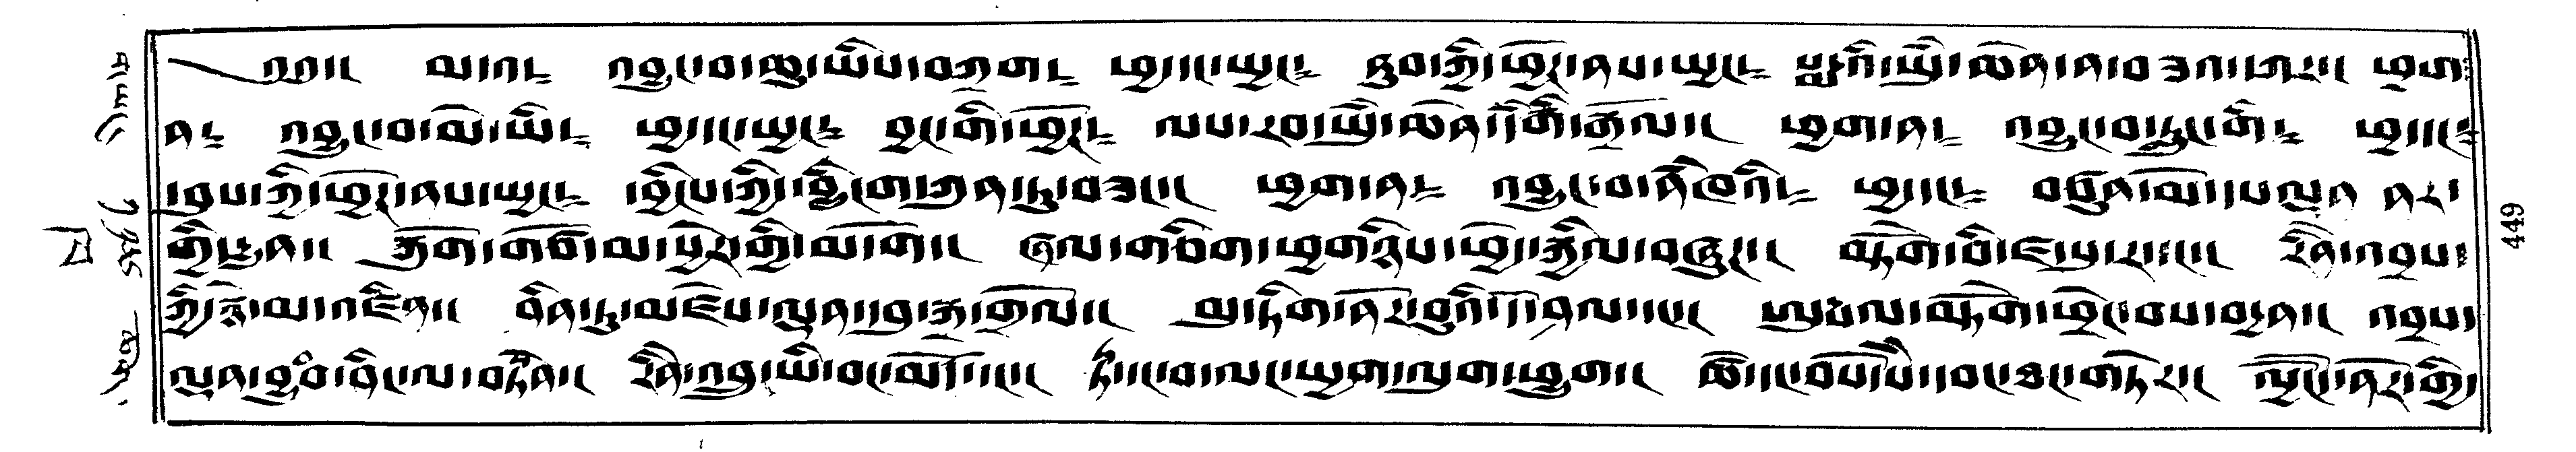མདའ༴ འབྱུང་བ་ཆུ་ཡི་བཀྲག༴ ཕྱྭ་དང་གཡང༴ ནུབ་ཀྱི་ཕྱོགས་ནས་གཡང༴ པདྨའི་ཡུམ་ཆེན་ན་བཟའ་དཀར། །ཕྱག་
ན༴འབྱུང་བ་མེ་ཡི༴ ཕྱྭ་དང་གཡང༴ བྱང་གི་ཕྱོགས༴ ལས་རབ་ཡུམ་ཆེན་དམ་ཚིག་སྒྲོལ། །ཕྱག་ན༴ འབྱུང་བ་རླུང་གི༴ ཕྱྭ་དང༴ 
དབུས་ཀྱི་ཕྱོགས་ནས་གཡང༴ དབྱིངས་ཀྱི་དབྱིངས་ཕྱུར་ཀུན་ཏུ་བཟང་། །ཕྱག་ན༴ འབྱུང་བ་ནམ་མཁའི༴ ཕྱ་དང༴ བཙུན་མོ་དཔལ་ལྡན་ནོར་
གྱི་རྒྱུན། །སྐུ་མདོག་གཙོ་མ་གསེར་གྱི་མདོག །ཞལ་གཅིག་ཕྱག་གཉིས་ཕྱེད་སྐྱིལ་བཞུགས། །མེ་ཏོག་བི་ཛ་པུ་ར་དང་། རིན་ཆེན་འབྲས་
ཀྱི་སྙེ་མ་འཛིན། །ཤིན་ཏུ་མཛེས་ལྡན་དབུ་སྐྲ་གྲོལ། །མུ་ཏིག་ནོར་བུའི་དོ་ཤལ་དང་། །ཨུཏྤལ་མེ་ཏོག་ཕྲེང་བས་བརྒྱན། །འབྲས་
ལྡན་བྱང་ཆུབ་ཤིང་ལ་བརྟེན། །རིན་ཆེན་འབྲུ་ཡི་བང་མཛོད་དང་། །རྟ་དང་བ་ལང་གཡག་ལུག་ཕྱུགས། །ཚེ་དང་བསོད་ནམས་དབང་ཐང་གཏེར། །ལོངས་སྤྱོད་ནོར་གྱི་